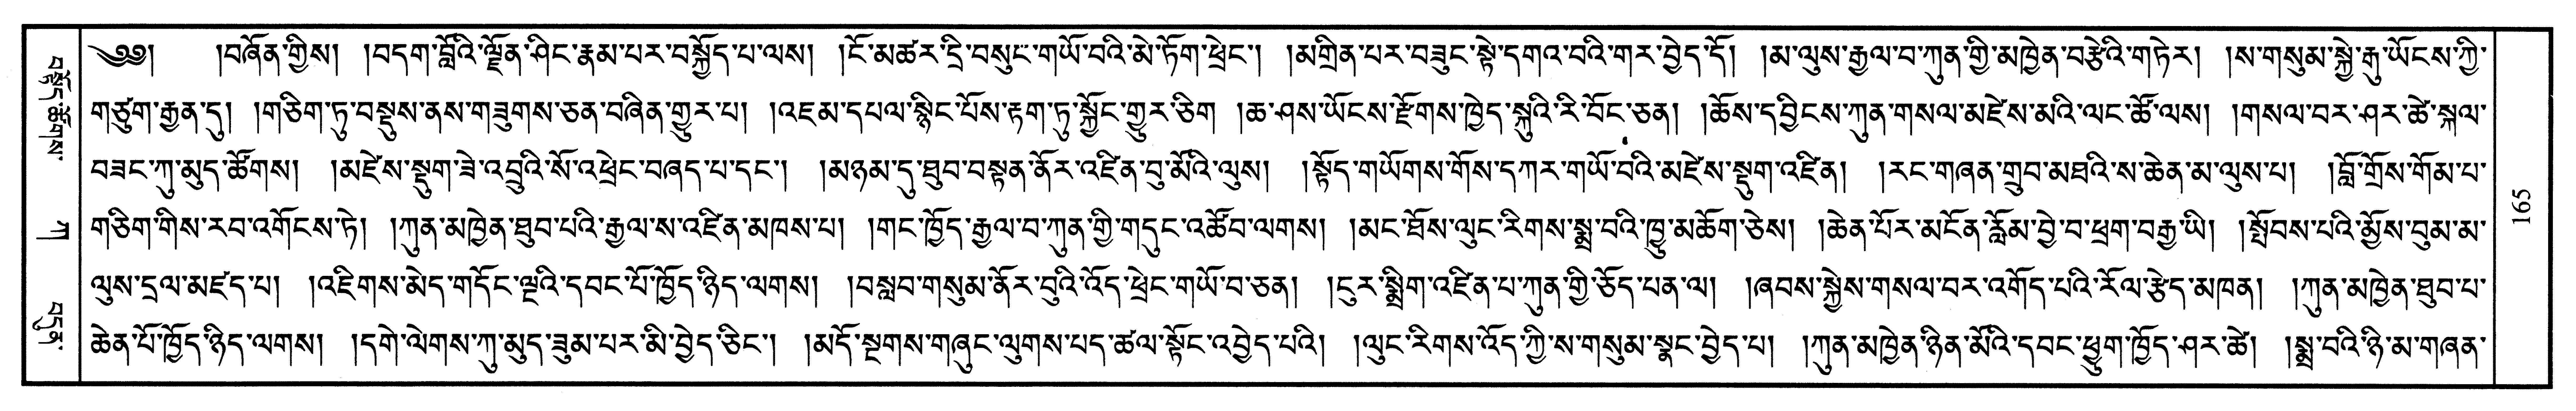༄༅། །བཞོན་གྱིས། །བདག་བློའི་ལྗོན་ཤིང་རྣམ་པར་བསྐྱོད་པ་ལས། །ངོ་མཚར་དྲི་བསུང་གཡོ་བའི་མེ་ཏོག་ཕྲེང་། །མགྲིན་པར་བཟུང་སྟེ་དགའ་བའི་གར་བྱེད་དོ། །མ་ལུས་རྒྱལ་བ་ཀུན་གྱི་མཁྱེན་བརྩེའི་གཏེར། །ས་གསུམ་སྐྱེ་རྒུ་ཡོངས་ཀྱི་
གཙུག་རྒྱན་དུ། །གཅིག་ཏུ་བསྡུས་ནས་གཟུགས་ཅན་བཞིན་གྱུར་པ། །འཇམ་དཔལ་སྙིང་པོས་རྟག་ཏུ་སྐྱོང་གྱུར་ཅིག །ཆ་ཤས་ཡོངས་རྫོགས་ཁྱེད་སྐུའི་རི་བོང་ཅན། །ཆོས་དབྱིངས་ཀུན་གསལ་མཛེས་མའི་ལང་ཚོ་ལས། །གསལ་བར་ཤར་ཚེ་སྐལ་
བཟང་ཀུ་མུད་ཚོགས། །མཛེས་སྡུག་ཟེ་འབྲུའི་སོ་འཕྲེང་བཞད་པ་དང་། །མཉམ་དུ་ཐུབ་བསྟན་ནོར་འཛིན་བུ་མོའི་ལུས། །སྟོད་གཡོགས་གོས་དཀར་གཡོ་བའི་མཛེས་སྡུག་འཛིན། །རང་གཞན་གྲུབ་མཐའི་ས་ཆེན་མ་ལུས་པ། །བློ་གྲོས་གོམ་པ་
གཅིག་གིས་རབ་འགོངས་ཏེ། །ཀུན་མཁྱེན་ཐུབ་པའི་རྒྱལ་ས་འཛིན་མཁས་པ། །གང་ཁྱོད་རྒྱལ་བ་ཀུན་གྱི་གདུང་འཚོབ་ལགས། །མང་ཐོས་ལུང་རིགས་སྨྲ་བའི་ཁྱུ་མཆོག་ཅེས། །ཆེན་པོར་མངོན་རློམ་བྱེ་བ་ཕྲག་བརྒྱ་ཡི། །སྤོབས་པའི་མྱོས་བུམ་མ་
ལུས་དྲལ་མཛད་པ། །འཇིགས་མེད་གདོང་ལྔའི་དབང་པོ་ཁྱོད་ཉིད་ལགས། །བསླབ་གསུམ་ནོར་བུའི་འོད་ཕྲེང་གཡོ་བ་ཅན། །ངུར་སྨྲིག་འཛིན་པ་ཀུན་གྱི་ཅོད་པན་ལ། །ཞབས་སྐྱེས་གསལ་བར་འགོད་པའི་རོལ་རྩེད་མཁན། །ཀུན་མཁྱེན་ཐུབ་པ་
ཆེན་པོ་ཁྱོད་ཉིད་ལགས། །དགེ་ལེགས་ཀུ་མུད་ཟུམ་པར་མི་བྱེད་ཅིང་། །མདོ་སྔགས་གཞུང་ལུགས་པད་ཚལ་སྟོང་འབྱེད་པའི། །ལུང་རིགས་འོད་ཀྱི་ས་གསུམ་སྣང་བྱེད་པ། །ཀུན་མཁྱེན་ཉིན་མོའི་དབང་ཕྱུག་ཁྱོད་ཤར་ཚེ། །སྨྲ་བའི་ཉི་མ་གཞན་